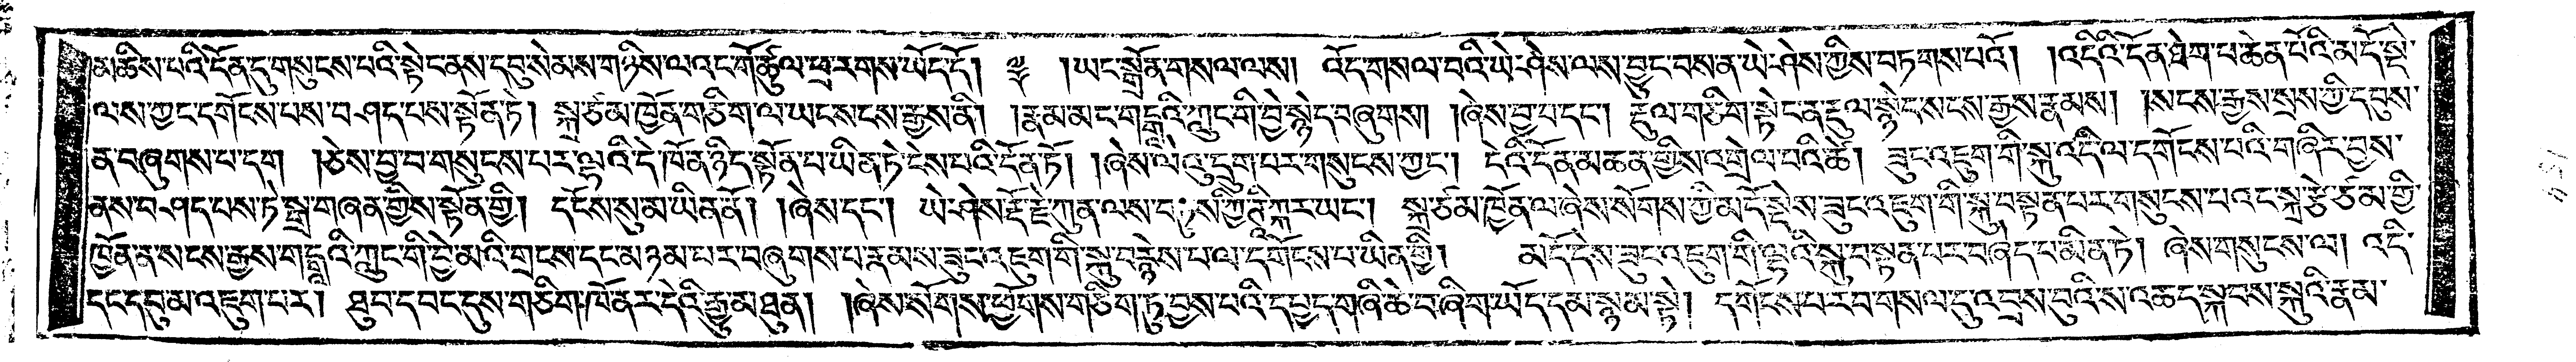མཆིས་པའི་དོན་དུ་གསུངས་པའི་སྟེང་ནས་དགུ་སེམས་གཉིས་ལའང་གོ་ཚུལ་ཕྲ་རགས་ཡོད་དོ། ༈ །ཡང་སྒྲོན་གསལ་ལས། འོད་གསལ་བའི་ཡེ་ཤེས་ལས་བྱུང་བས་ན་ཡེ་ཤེས་ཀྱིས་བཏགས་པའོ། །འདིའི་དོན་ཐེག་པ་ཆེན་པོའི་མདོ་སྡེ་
ལས་ཀྱང་དགོངས་པས་བཤད་པས་སྟོན་ཏེ། སྐྲ་ཙམ་ཁྱོན་གཅིག་ལ་ཡང་སངས་རྒྱས་ནི། །རྣམ་མང་གངྒཱའི་ཀླུང་གི་བྱེ་སྙེད་བཞུགས། །ཞེས་བྱ་བ་དང་། རྡུལ་གཅིག་སྟེང་ན་རྡུལ་སྙེད་སངས་རྒྱས་རྣམས། །སངས་རྒྱས་སྲས་ཀྱི་དབུས་
ན་བཞུགས་པ་དག །ཅེས་བྱ་བ་གསུངས་པར་ལྷའི་དེ་ཁོ་ན་ཉིད་སྟོན་པ་ཡིན་ཏེ་ངེས་པའི་དོན་ཏོ། །ཞེས་ལེའུ་དྲུག་པར་གསུངས་ཀྱང་། དེའི་དོན་མཚན་གྱིས་འགྲེལ་པའི་ཚེ། ཟུང་འཇུག་གི་སྐུ་འདི་ལ་དགོངས་པའི་གཞིར་བྱས་
ནས་བཤད་པས་ཏེ་སྒྲ་གཞན་གྱིས་སྟོན་གྱི། དངོས་སུ་མ་ཡིན་ནོ། །ཞེས་དང་། ཡེ་ཤེས་རྡོ་རྗེ་ཀུན་ལས་བཏུས་ཀྱི་ཊཱིཀྐར་ཡང་། སྐྲ་ཙམ་ཁྱོན་ལ་ཞེས་སོགས་ཀྱི་མདོ་སྡེས་ཟུང་འཇུག་གི་སྐུ་བསྟན་པར་གསུངས་པའང་སྐྲ་རྩེ་ཙམ་གྱི་
ཁྱོན་ན་སངས་རྒྱས་གངྒཱའི་ཀླུང་གི་བྱེ་མའི་གྲངས་དང་མཉམ་པར་བཞུགས་པ་རྣམས་ཟུང་འཇུག་གི་སྐུ་བརྙེས་པ་ལ་དགོངས་པ་ཡིན་གྱི། མདོ་དེས་ཟུང་འཇུག་གི་ལྷའི་སྐུ་བསྟན་པར་བཞེད་པ་མིན་ཏེ། ཞེས་གསུངས་ལ། འདི་
དང་དབུ་མ་འཇུག་པར། ཐུབ་དབང་དུས་གཅིག་ཁོ་ནར་དེའི་རྒྱུ་མཐུན། །ཞེས་སོགས་ཕྱོགས་གཅིག་ཏུ་བྱས་པའི་དཔྱད་གཞི་ཆེ་བ་ཞིག་ཡོད་དམ་སྙམ་སྟེ། དགོངས་པ་རབ་གསལ་དུ་འབྲས་བུའི་ས་འཆད་སྐབས་སྐུའི་རྣམ་